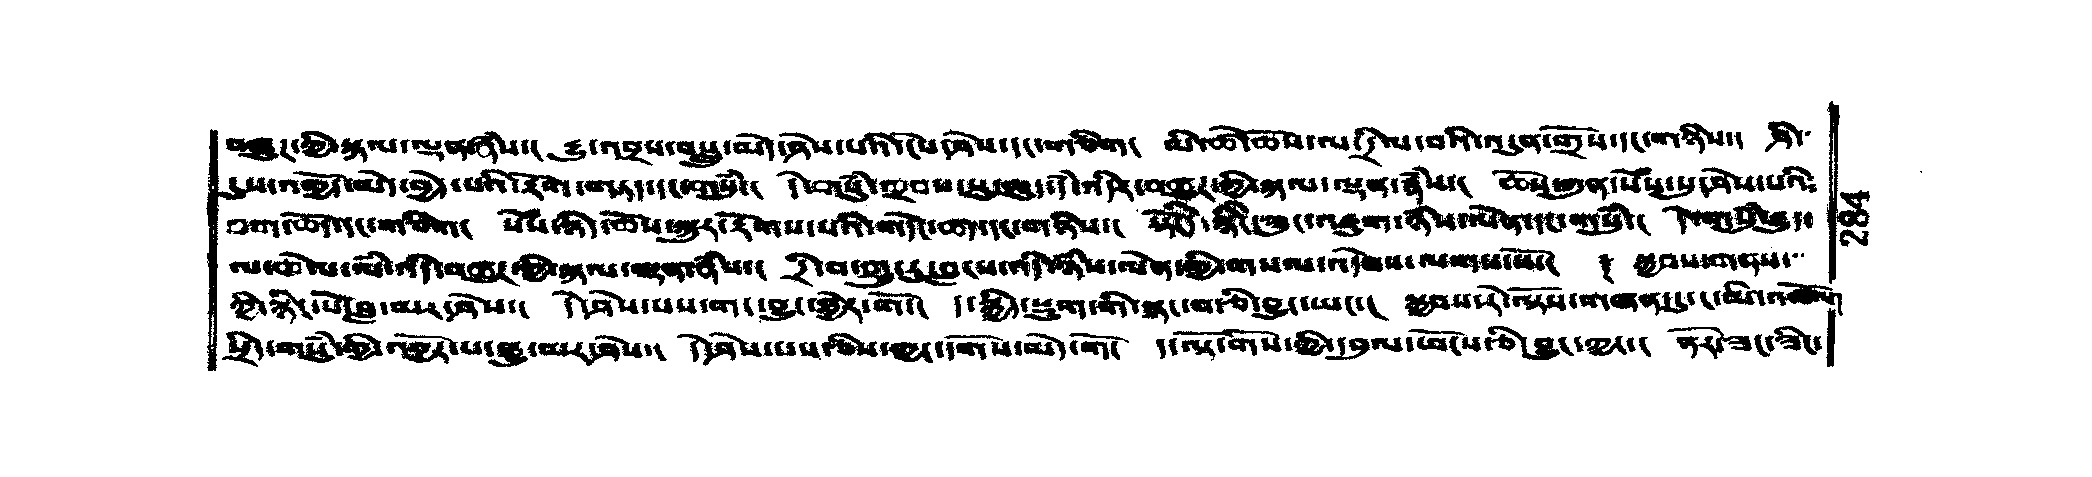བཞུགས་ཀྱི་སྐལ་ལྡན་རྣམས། །རྒྱུ་འབྲས་བསླུ་མེད་ཤེས་པའི་ངེས་ཤེས་དང་གཅིག །མི་ཚེ་ཆོས་ལ་དྲིལ་བའི་འདུན་གྲོས་དང་གཉིས། །ཤི་
དུས་འགྱོད་མེད་བྱེད་པའི་རྟོག་གཏད་དང་གསུམ། །དེ་གསུམ་གྲབས་སུ་ཚུད་དམ་འདིར་བཞུགས་ཀྱི་སྐལ་ལྡན་རྣམས། །ཆོས་ཀུན་སེམས་སུ་ཤེས་པའི་
ཐག་ཆོད་དང་གཅིག །སེམས་ཉིད་ཆོས་སྐུར་རྟོགས་པའི་གདེང་ཚད་དང་གཉིས། །སྟོང་ཉིད་སྙིང་རྗེ་ཟུང་འཇུག་ཉམས་ལེན་དང་གསུམ། །དེ་གསུམ་རྒྱུད་
ལ་ཁེལ་ལམ་འདི་བཞུགས་ཀྱི་སྐལ་ལྡན་རྣམས། །དྲི་བ་གླུ་རུ་བླངས་འདི་ཉམས་ལེན་གྱི་གསལ་འདེབས་ལགས་སོ།། ༈ སྐྱབས་གནས་
ཀྱི་སྙིང་པོ་བླ་མར་ཤེས། །དེ་ཤེས་པས་གང་བྱུང་ཐུགས་རྗེར་གོ །ད་སྐྱིད་སྡུག་གི་སྣང་བ་ཅི་བྱུང་ཡང་། །སྐྱབས་རེ་ལྟོས་གཞན་དུ་ང་མི་འཚོལ། །
སྲིད་གསུམ་གྱི་འབྱོར་པ་སྒྱུ་མར་ཤེས། །དེ་ཤེས་པ་ཅི་ཀྱང་དགོས་མེད་གོ།ད་ལྟོ་གོས་ཀྱི་དབུལ་ཕོངས་ཅི་བྱུང་ཀྱང་། །ནོར་ཟང་ཟིང་